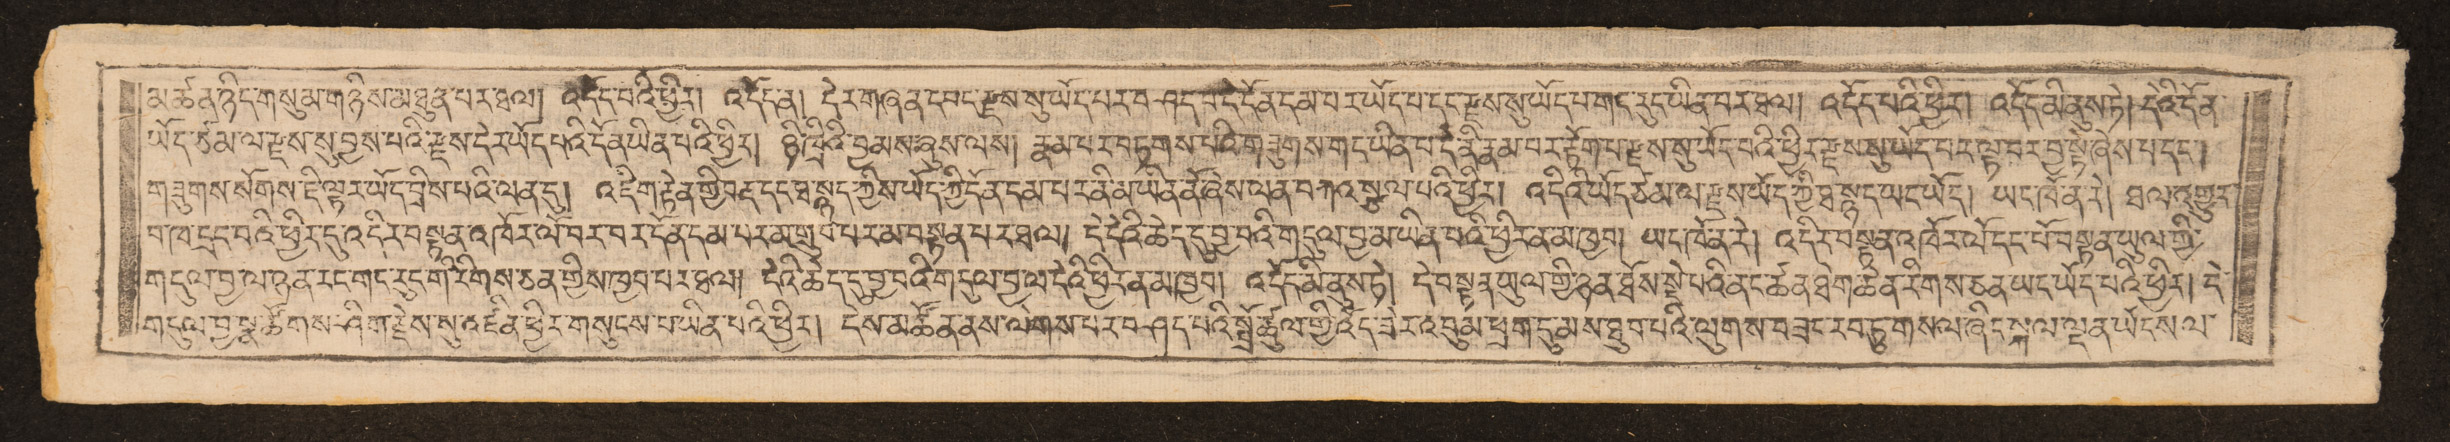མཚན་ཉིད་གསུམ་གཉིས་མཐུན་པར་ཐལ། འདོད་པའི་ཕྱིར། འདོད་ན། དེར་གཞན་དབང་རྫས་སུ་ཡོད་པར་བཤད་པ་དེ་དོན་དམ་པར་ཡོད་པ་དང་རྫས་སུ་ཡོད་བ་གང་རུང་ཡིན་པར་ཐལ། འདོད་པའི་ཕྱིར། འདོད་མི་ནུས་ཏེ། དེའི་དོན་
ཡོད་ཙམ་ལ་རྫས་སུ་བྱས་པའི་རྫས་དེར་ཡོད་པའི་དོན་ཡིན་པའི་ཕྱིར། ཉི་ཁྲིའི་བྱམས་ཞུས་ལས། རྣམ་པར་བཏགས་པའི་གཟུགས་གང་ཡིན་པ་དེ་ནི་རྣམ་པར་རྟོག་པ་རྫས་སུ་ཡོད་པའི་ཕྱིར་རྫས་སུ་ཡོད་པར་ལྟ་བར་བྱ་སྟེ་ཞེས་པ་དང་།
གཟུགས་སོགས་ཇི་ལྟར་ཡོད་བྲིས་པའི་ལན་དུ། འཇིག་རྟེན་གྱི་བརྡ་དང་ཐ་སྙད་ཀྱིས་ཡོད་ཀྱི་དོན་དམ་པར་ནི་མ་ཡིན་ནོ་ཞེས་ལན་བཀའ་སྩལ་པའི་ཕྱིར། འདིའི་ཡོད་ཙམ་ལ་རྫས་ཡོད་ཀྱི་ཐ་སྙད་ཡང་ཡོད། ཡང་ཁོ་ན་རེ། ཐལ་འགྱུར་
བ་ཁ་དྲང་བའི་ཕྱིར་དུ་འདིར་བསྟན་འཁོར་ལོ་བར་བར་དོན་དམ་པར་མ་གྲུབ་པར་མ་བསྟན་པར་ཐལ། དེ་དེའི་ཆེད་དུ་བྱ་བའི་གདུལ་བྱ་མ་ཡིན་པའི་ཕྱིར་ན་མ་ཁྱབ། ཡང་ཁོ་ན་རེ། འདིར་བསྟན་འཁོར་ལོ་དང་པོ་བསྟན་ཡུལ་གྱི་
གདུལ་བྱ་ལ་ཉན་རང་གང་རུང་གི་རིགས་ཅན་གྱིས་ཁྱབ་པར་ཐལ། དེའི་ཆེད་དུ་བྱ་བའི་གདུལ་བྱ་ལ་དེའི་ཕྱིར་ན་མ་ཁྱབ། འདོད་མི་ནུས་ཏེ། དེ་བསྟན་ཡུལ་གྱི་ཉན་ཐོས་སྡེ་པའི་ནང་ཚན་ཐེག་ཆེན་རིགས་ཅན་ཡང་ཡོད་པའི་ཕྱིར། དེ་
གདུལ་བྱ་སྣ་ཚོགས་ཤིག་རྗེས་སུ་འཛིན་ཕྱིར་གསུངས་པ་ཡིན་པའི་ཕྱིར། ངེས་མཚོན་ནས་ལེགས་པར་བཤད་པའི་སྤྲོ་ཚུལ་གྱི་འོད་ཟེར་འབུམ་ཕྲག་དུ་མས་ཐུབ་པའི་ལུགས་བཟང་རབ་ཏུ་གསལ་ཞིང་སྐལ་ལྡན་ཡོངས་ལ་